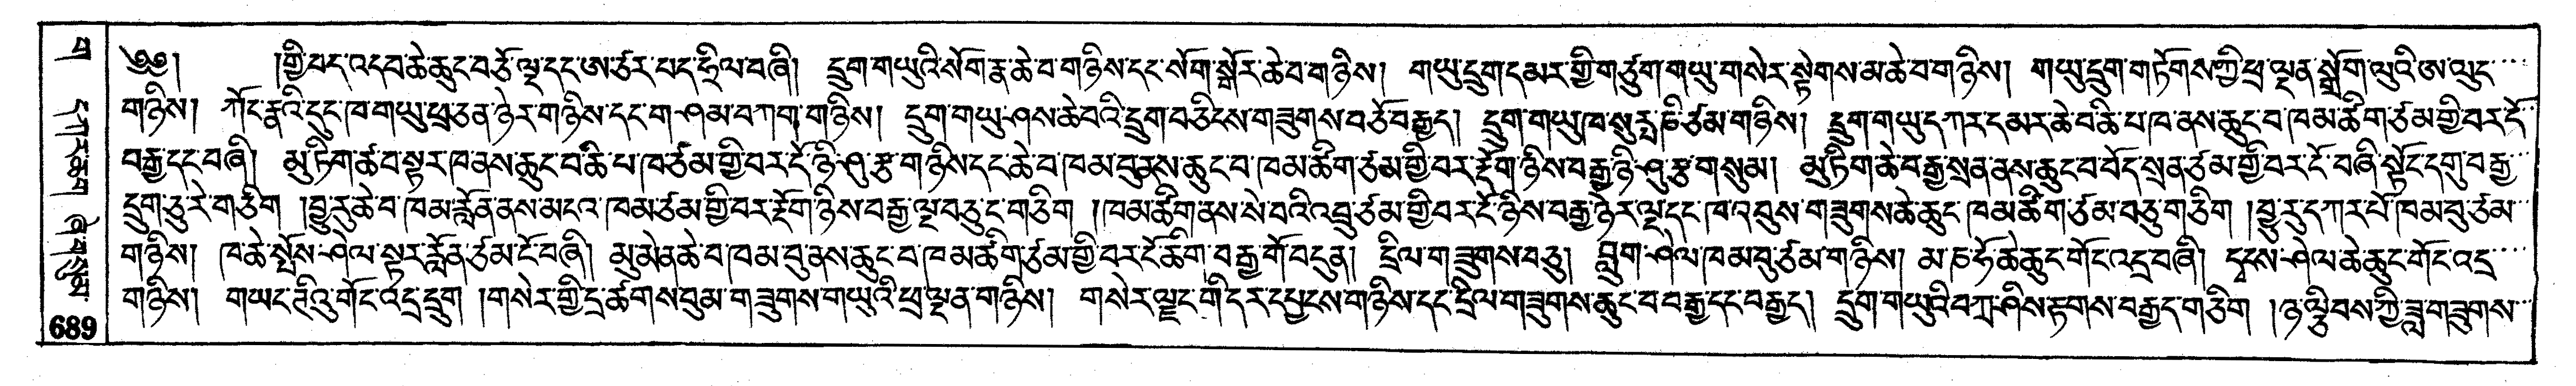༄༅། །གྱི་པད་འདབ་ཆེ་ཆུང་བཅོ་ལྔ་དང་ཨ་ཙར་པད་ཧྲིལ་བཞི། དྲུག་གཡུའི་སོག་རྣ་ཆེ་བ་གཉིས་དང་སོག་སྒྲོར་ཆེ་བ་གཉིས། གཡུ་དྲུག་དམར་གྱི་གཙུག་གཡུ་གསེར་སྟེགས་མཆེ་བ་གཉིས། གཡུ་དྲུག་གཏོགས་ཀྱི་ཕྲ་ལྡན་སྒྲོག་ལུའི་ཨ་ལུང་
གཉིས། ཀོང་རྣའི་དུང་ཁ་གཡུ་ཕྲ་ཅན་ཉེར་གཉིས་དང་གཤམ་བཀག་གཉིས། དྲུག་གཡུ་ཤས་ཆེ་བའི་དྲུག་བཅིངས་གཟུགས་བཅོ་བརྒྱད། དྲུག་གཡུ་ཁ་སུརྤ་ཎི་ཙམ་གཉིས། དྲུག་གཡུ་དཀར་དམར་ཆེ་བ་ཆི་པ་ཁ་ནས་ཆུང་བ་ཁམ་ཚིག་ཙམ་གྱི་བར་ངོ་
བརྒྱ་དང་བཞི། མུ་ཏིག་ཚབ་སྟར་ཁ་ནས་ཆུང་བ་ཆི་པ་ཁ་ཙམ་གྱི་བར་ངོ་ཉི་ཤུ་རྩ་གཉིས་དང་ཆེ་བ་ཁམ་པུ་ན་སྲ་ཆུང་བ་ཁམ་ཆིག་ཙམ་གྱི་བར་རྡོག་ཉིས་བརྒྱ་ཉི་ཤུ་རྩ་གསུམ། མུ་ཏིག་ཆེ་བ་རྒྱ་སྲན་ནས་ཆུང་བ་བོད་སྲན་ཙམ་གྱི་བར་ངོ་བཞི་སྟོང་དགུ་བརྒྱ་
དྲུག་ཅུ་རེ་གཅིག །བྱུ་རུ་ཆེ་བ་ཁམ་རློན་ནས་མངའ་ཁམ་ཙམ་གྱི་བར་རྔོ་གཉིས་བརྒྱ་ལྔ་བཅུ་ང་གཅིག །ཁམ་ཚིག་ནས་སེ་བའི་འབྲུ་ཙམ་གྱི་བར་ངོ་ཉིས་བརྒྱ་ཉེར་ལྔ་དང་ཁ་འབུས་གཟུགས་ཆེ་ཆུང་ཁམ་ཆིག་ཙམ་བཅུ་གཅིག །བྱུ་རུ་དཀར་པོ་ཁམ་བུ་ཙམ་
གཉིས། ཁ་ཆེ་སྤོས་ཤེལ་སྟར་རློན་ཙམ་དོ་བཞི། མུ་མེན་ཆེ་བ་ཁམ་བུ་ནས་ཆུང་བ་ཁམ་ཚིག་ཙམ་གྱི་བར་ངོ་ཆིག་བརྒྱ་གོ་བདུན། དྲིལ་གཟུགས་བཅུ། བླུག་ཤེལ་ཁམ་བུ་ཙམ་གཉིས། མ་ཎ་ཧོ་ཆེ་ཆུང་གོང་འདྲ་བཞི། དྭངས་ཤེལ་ཆེ་ཆུང་གོང་འདྲ་
གཉིས། གཡང་ཊིའུ་གོང་འདྲ་དྲུག །གསེར་གྱི་དྲ་ཚགས་བུམ་གཟུགས་གཡུའི་ཕྲ་ལྡན་གཉིས། གསེར་ལྗང་གི་དར་དཔྱངས་གཉིས་དང་དྲིལ་གཟུགས་ཆུང་བ་བརྒྱ་དང་བརྒྱད། དྲུག་གཡུའི་བཀྲ་ཤིས་རྟགས་བརྒྱད་གཅིག །ཉ་ལྕིབས་ཀྱི་ཟླ་གཟུགས་